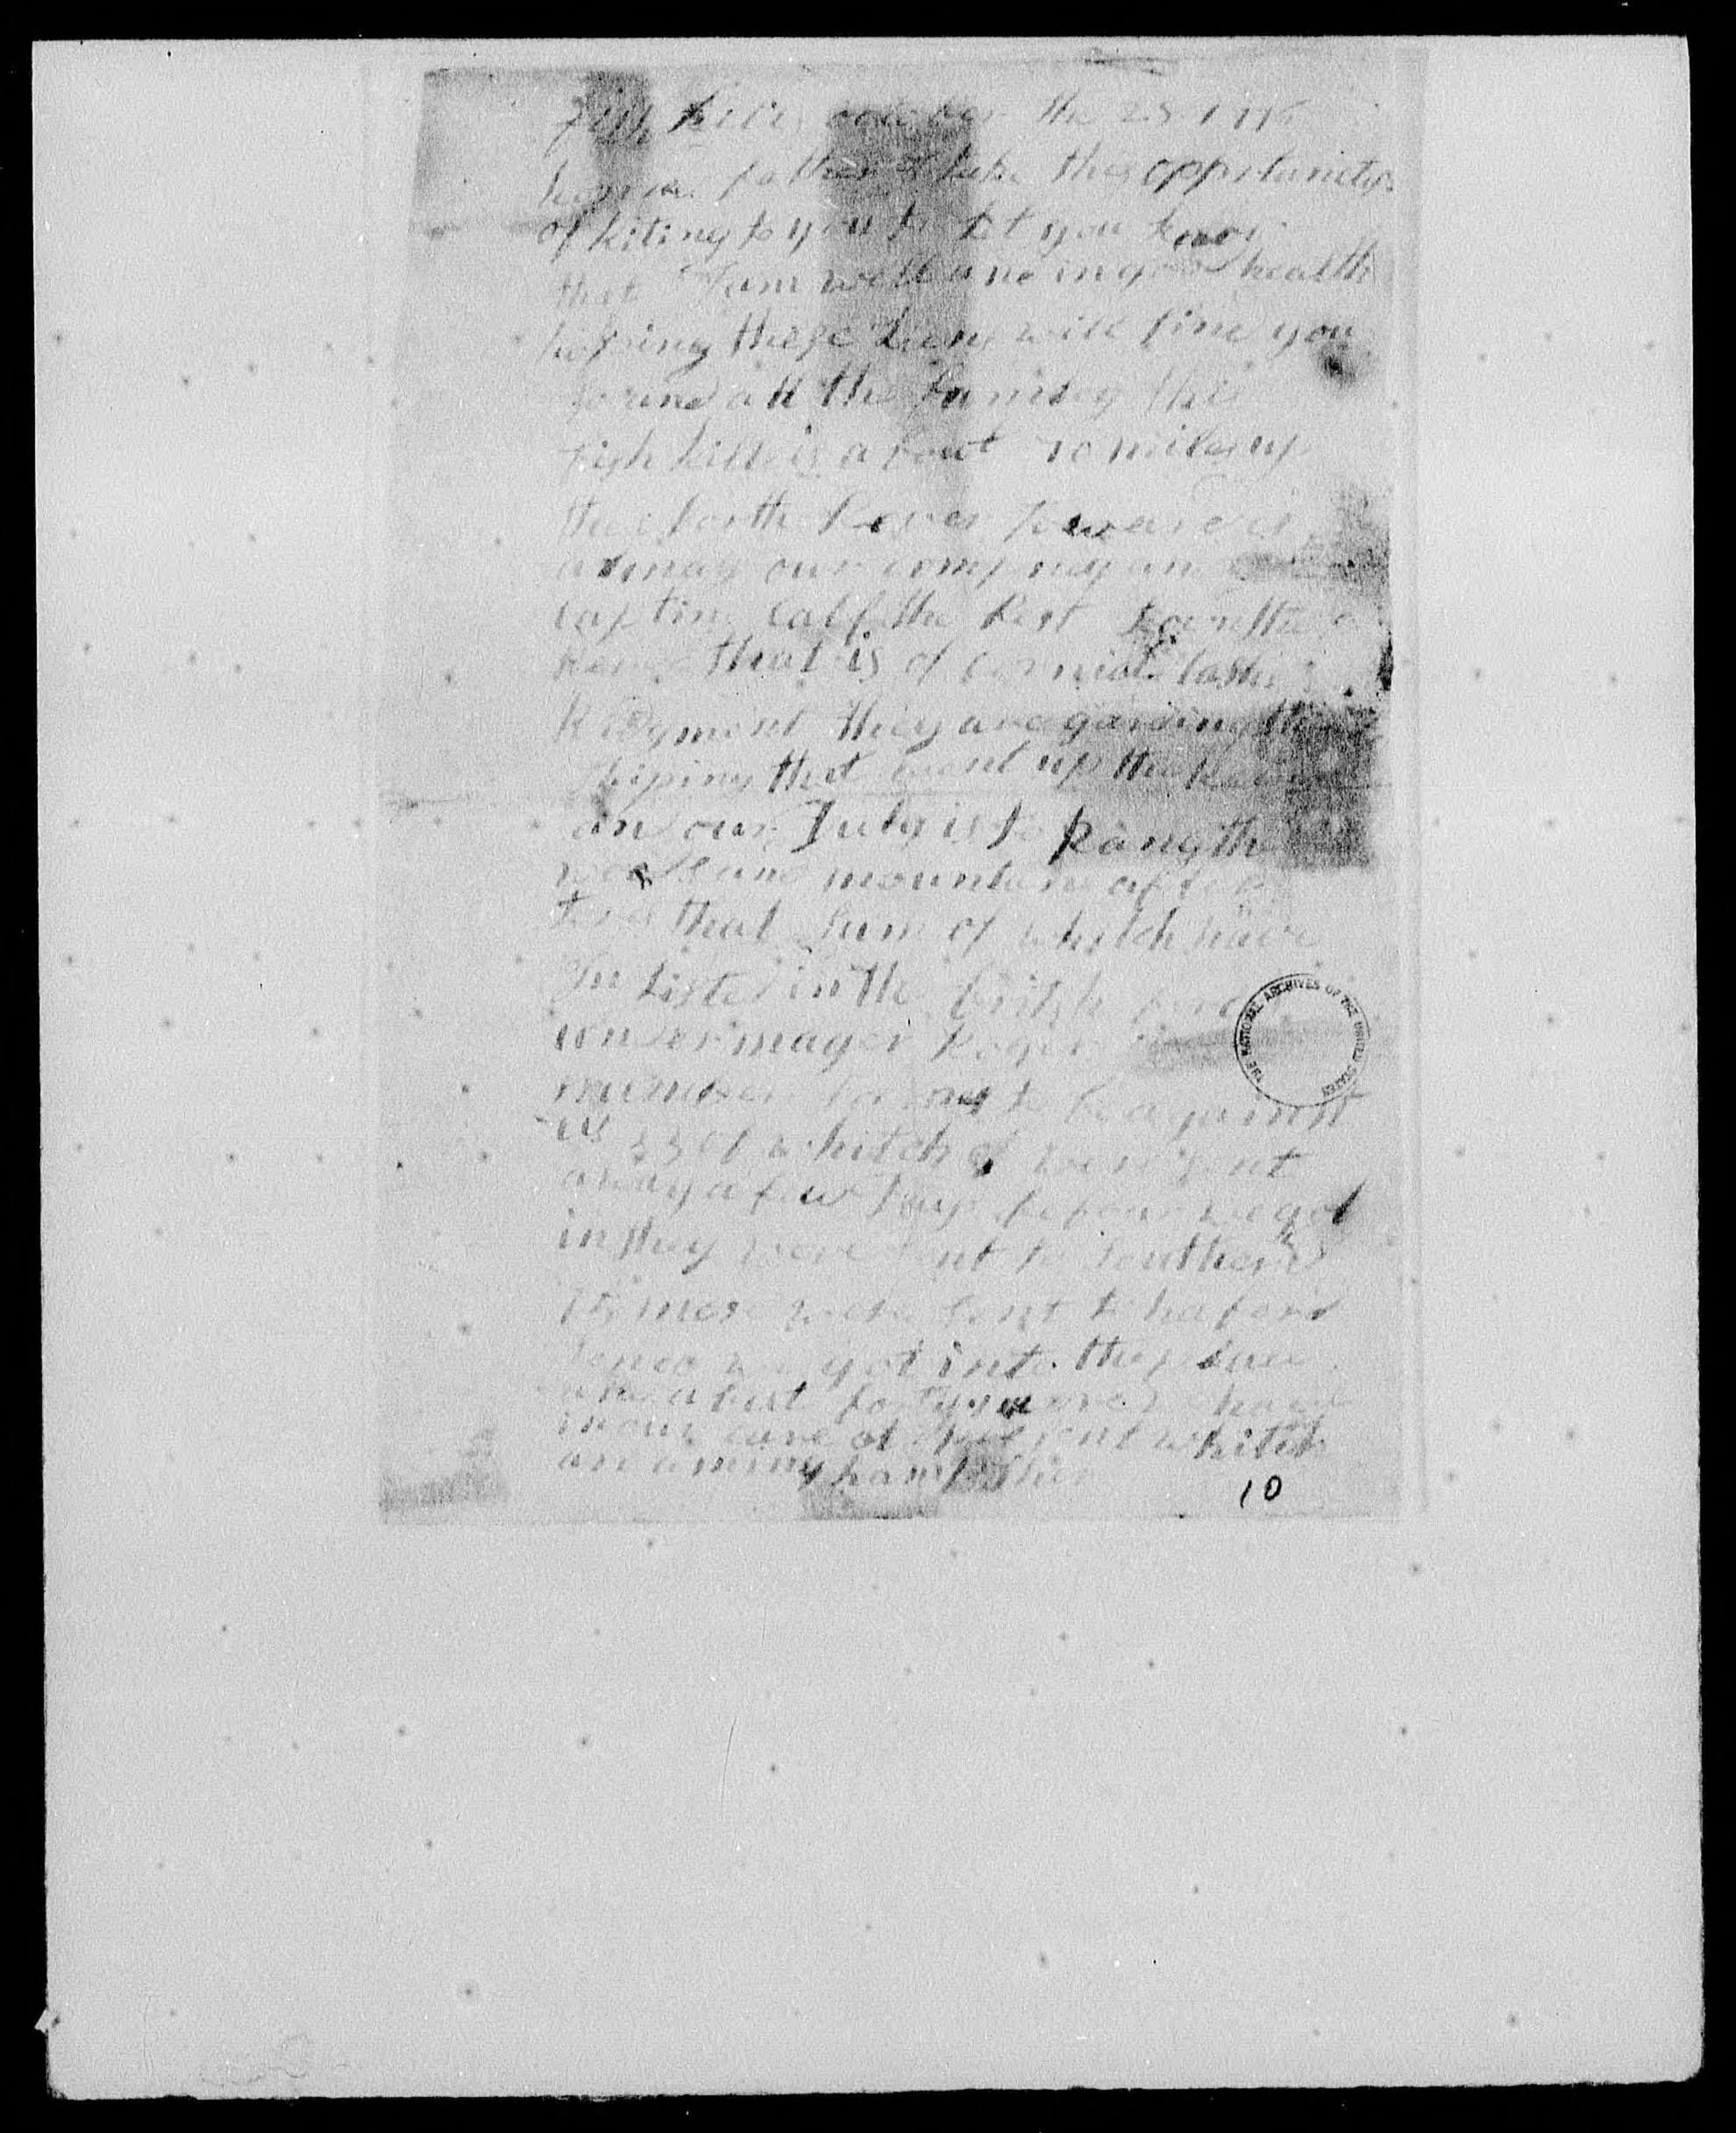[illegible] the 25 1776
toth
[illegible] take the opprtunity
of [illegbile]
at you
the
owning health
being this my will fine you
and all the family the
high till about smiles up
forth over places
no
Capting all the Rest
the
that 15 of trial last
Raymond Hegan
ing West to set up the
on our duty to pay
Hart
that he of whom have
listed in the with
Mayer
to
that
of the before me
in they were set to further
me without harbors
into the
east forty
and of the
10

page: 12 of 35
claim: survivor's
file: S. 10912, for Daniel Jewell, New Hampshire